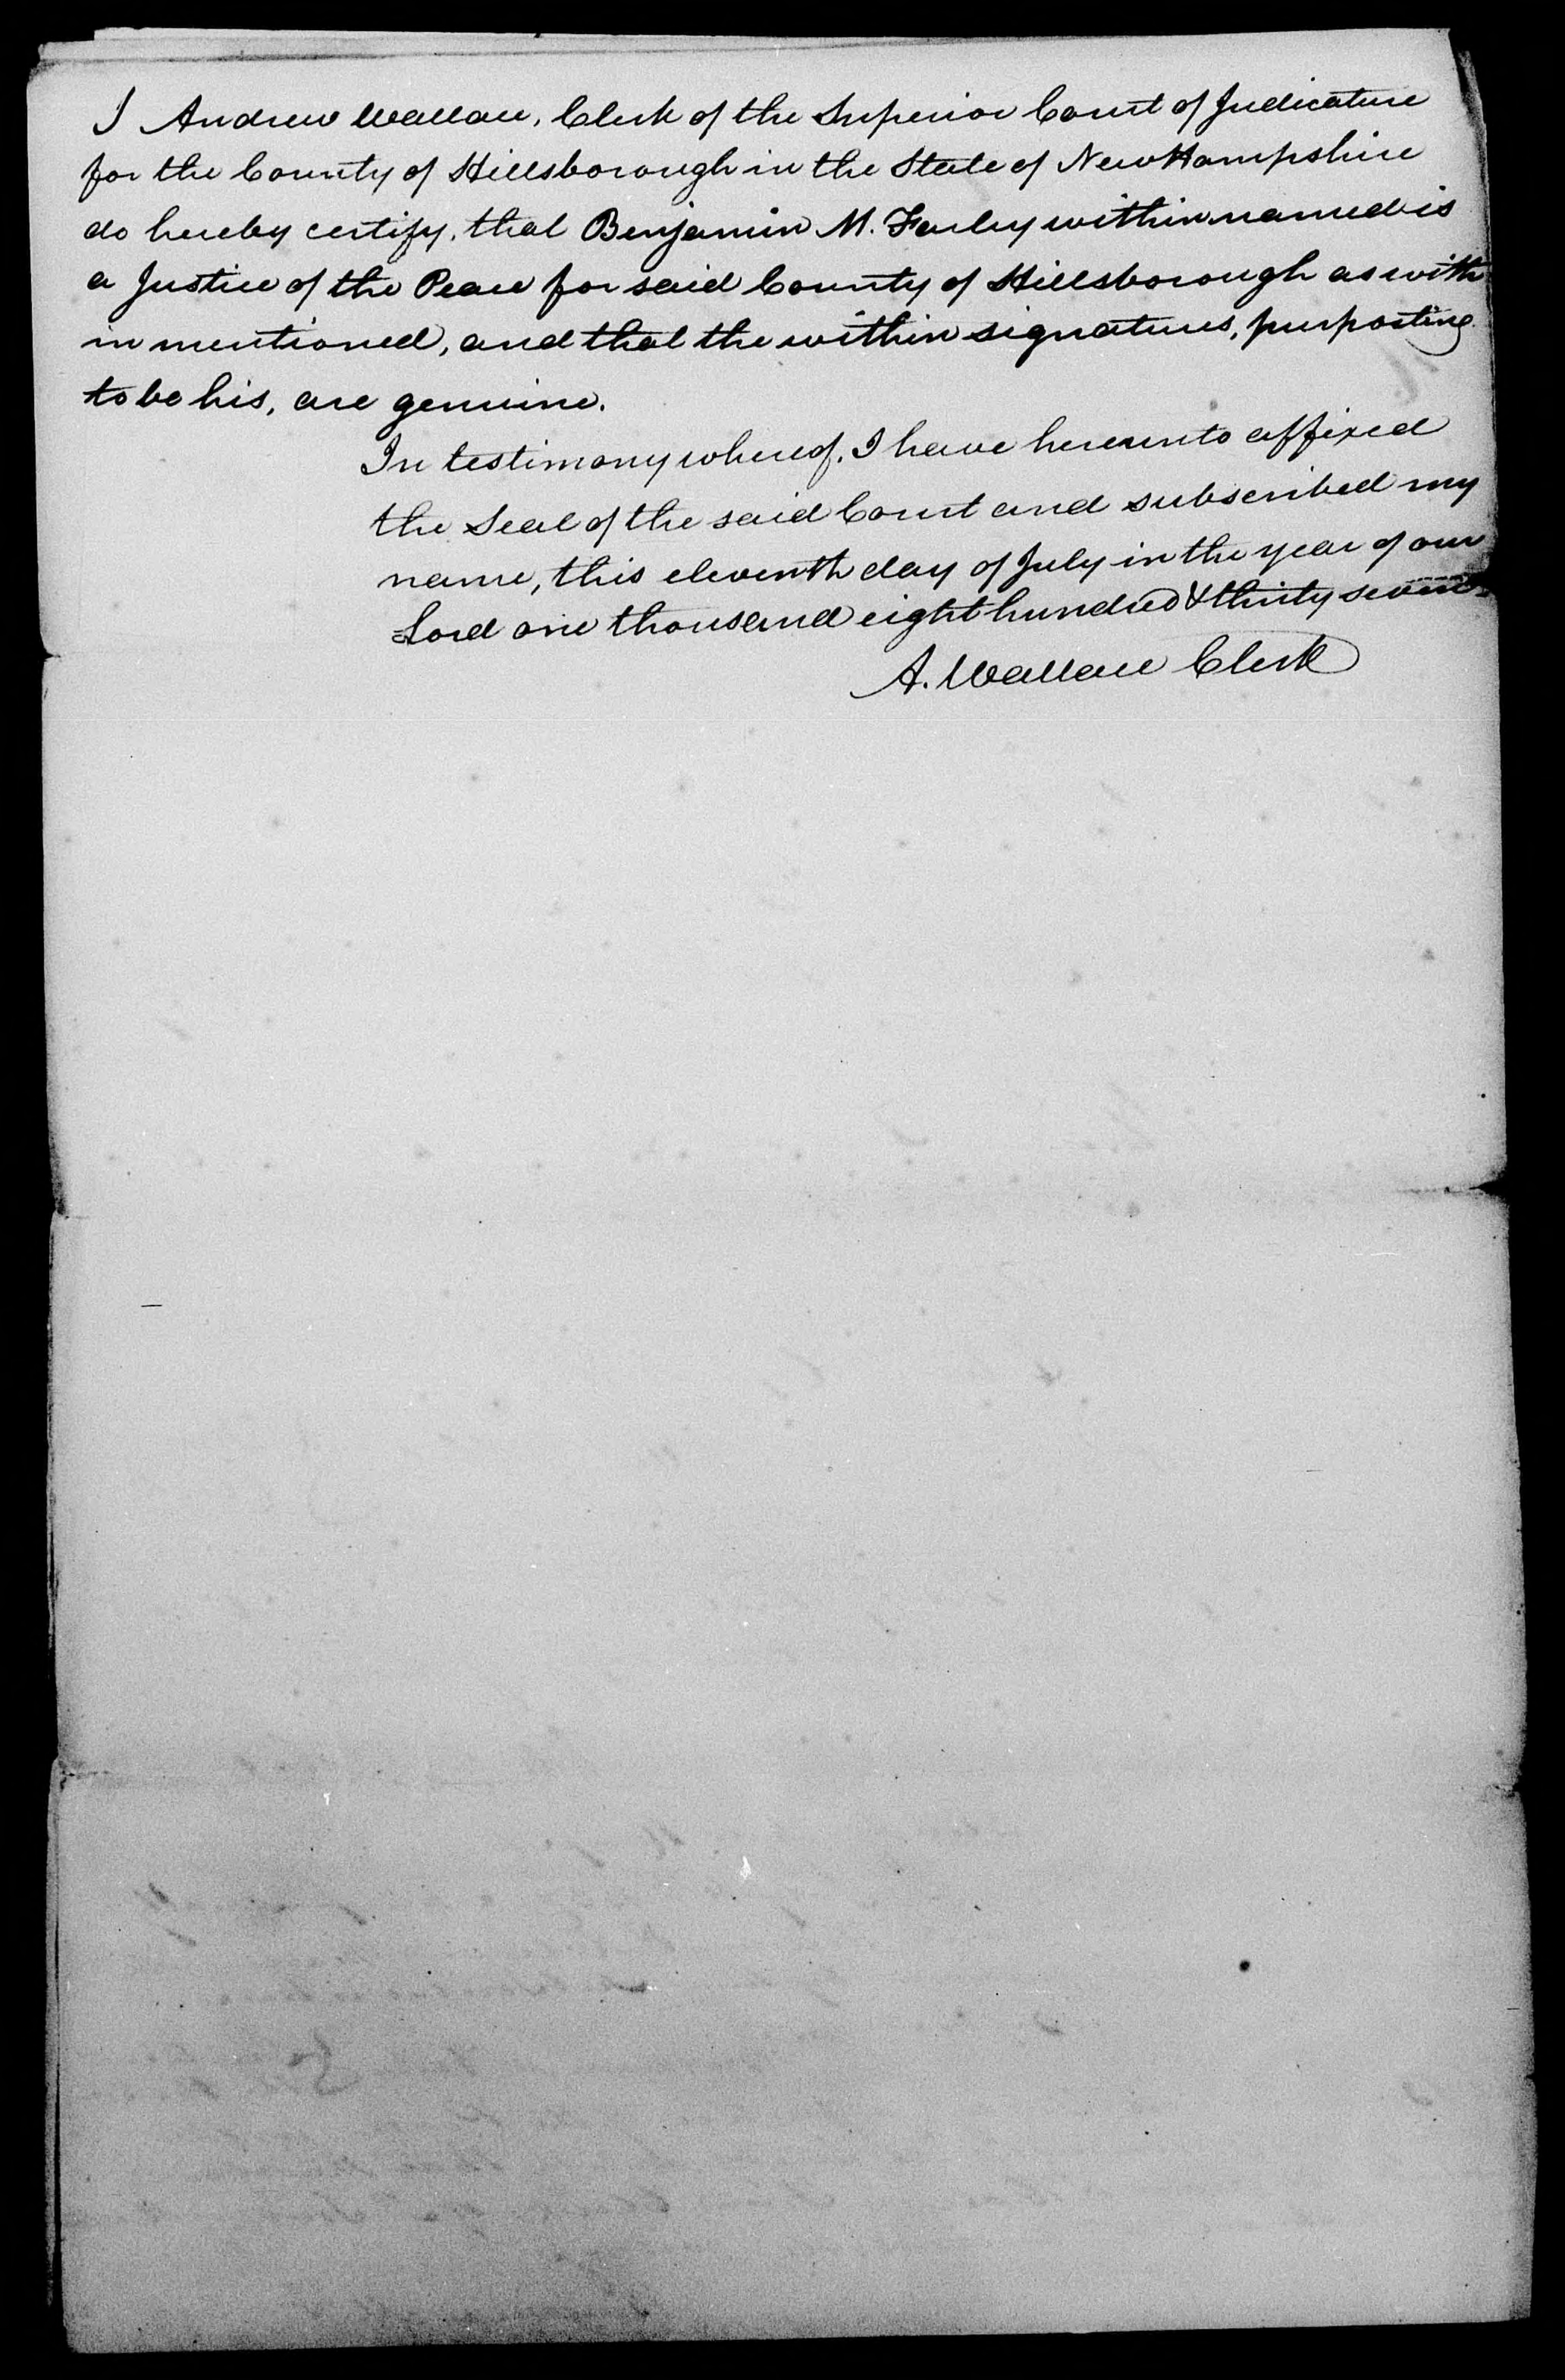I Andrew Wallace, Clerk of the Superior Court of Judicature for the County of Hillsborough in the State of New Hampshire do hereby certify that Benjamin M. Farley within named is a Justice of the Peace for said County of Hillsborough as within mentioned, and that the within signatures, purporting to be his, are genuine.

In testimony whereof, I have hereunto affixed the Seal of the said Court and subscribed my name, this eleventh day of July in the year of our Lord one thousand eight hundred & thirty seven.
A. Wallace   Clerk

[illegible seal affixed to the left of the above paragraph]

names: Benjamim M Farley, Andrew Wallace, A Wallace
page: 11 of 18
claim: widow's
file: W. 21,147, Nehemiah French, Mass. Or N.H.